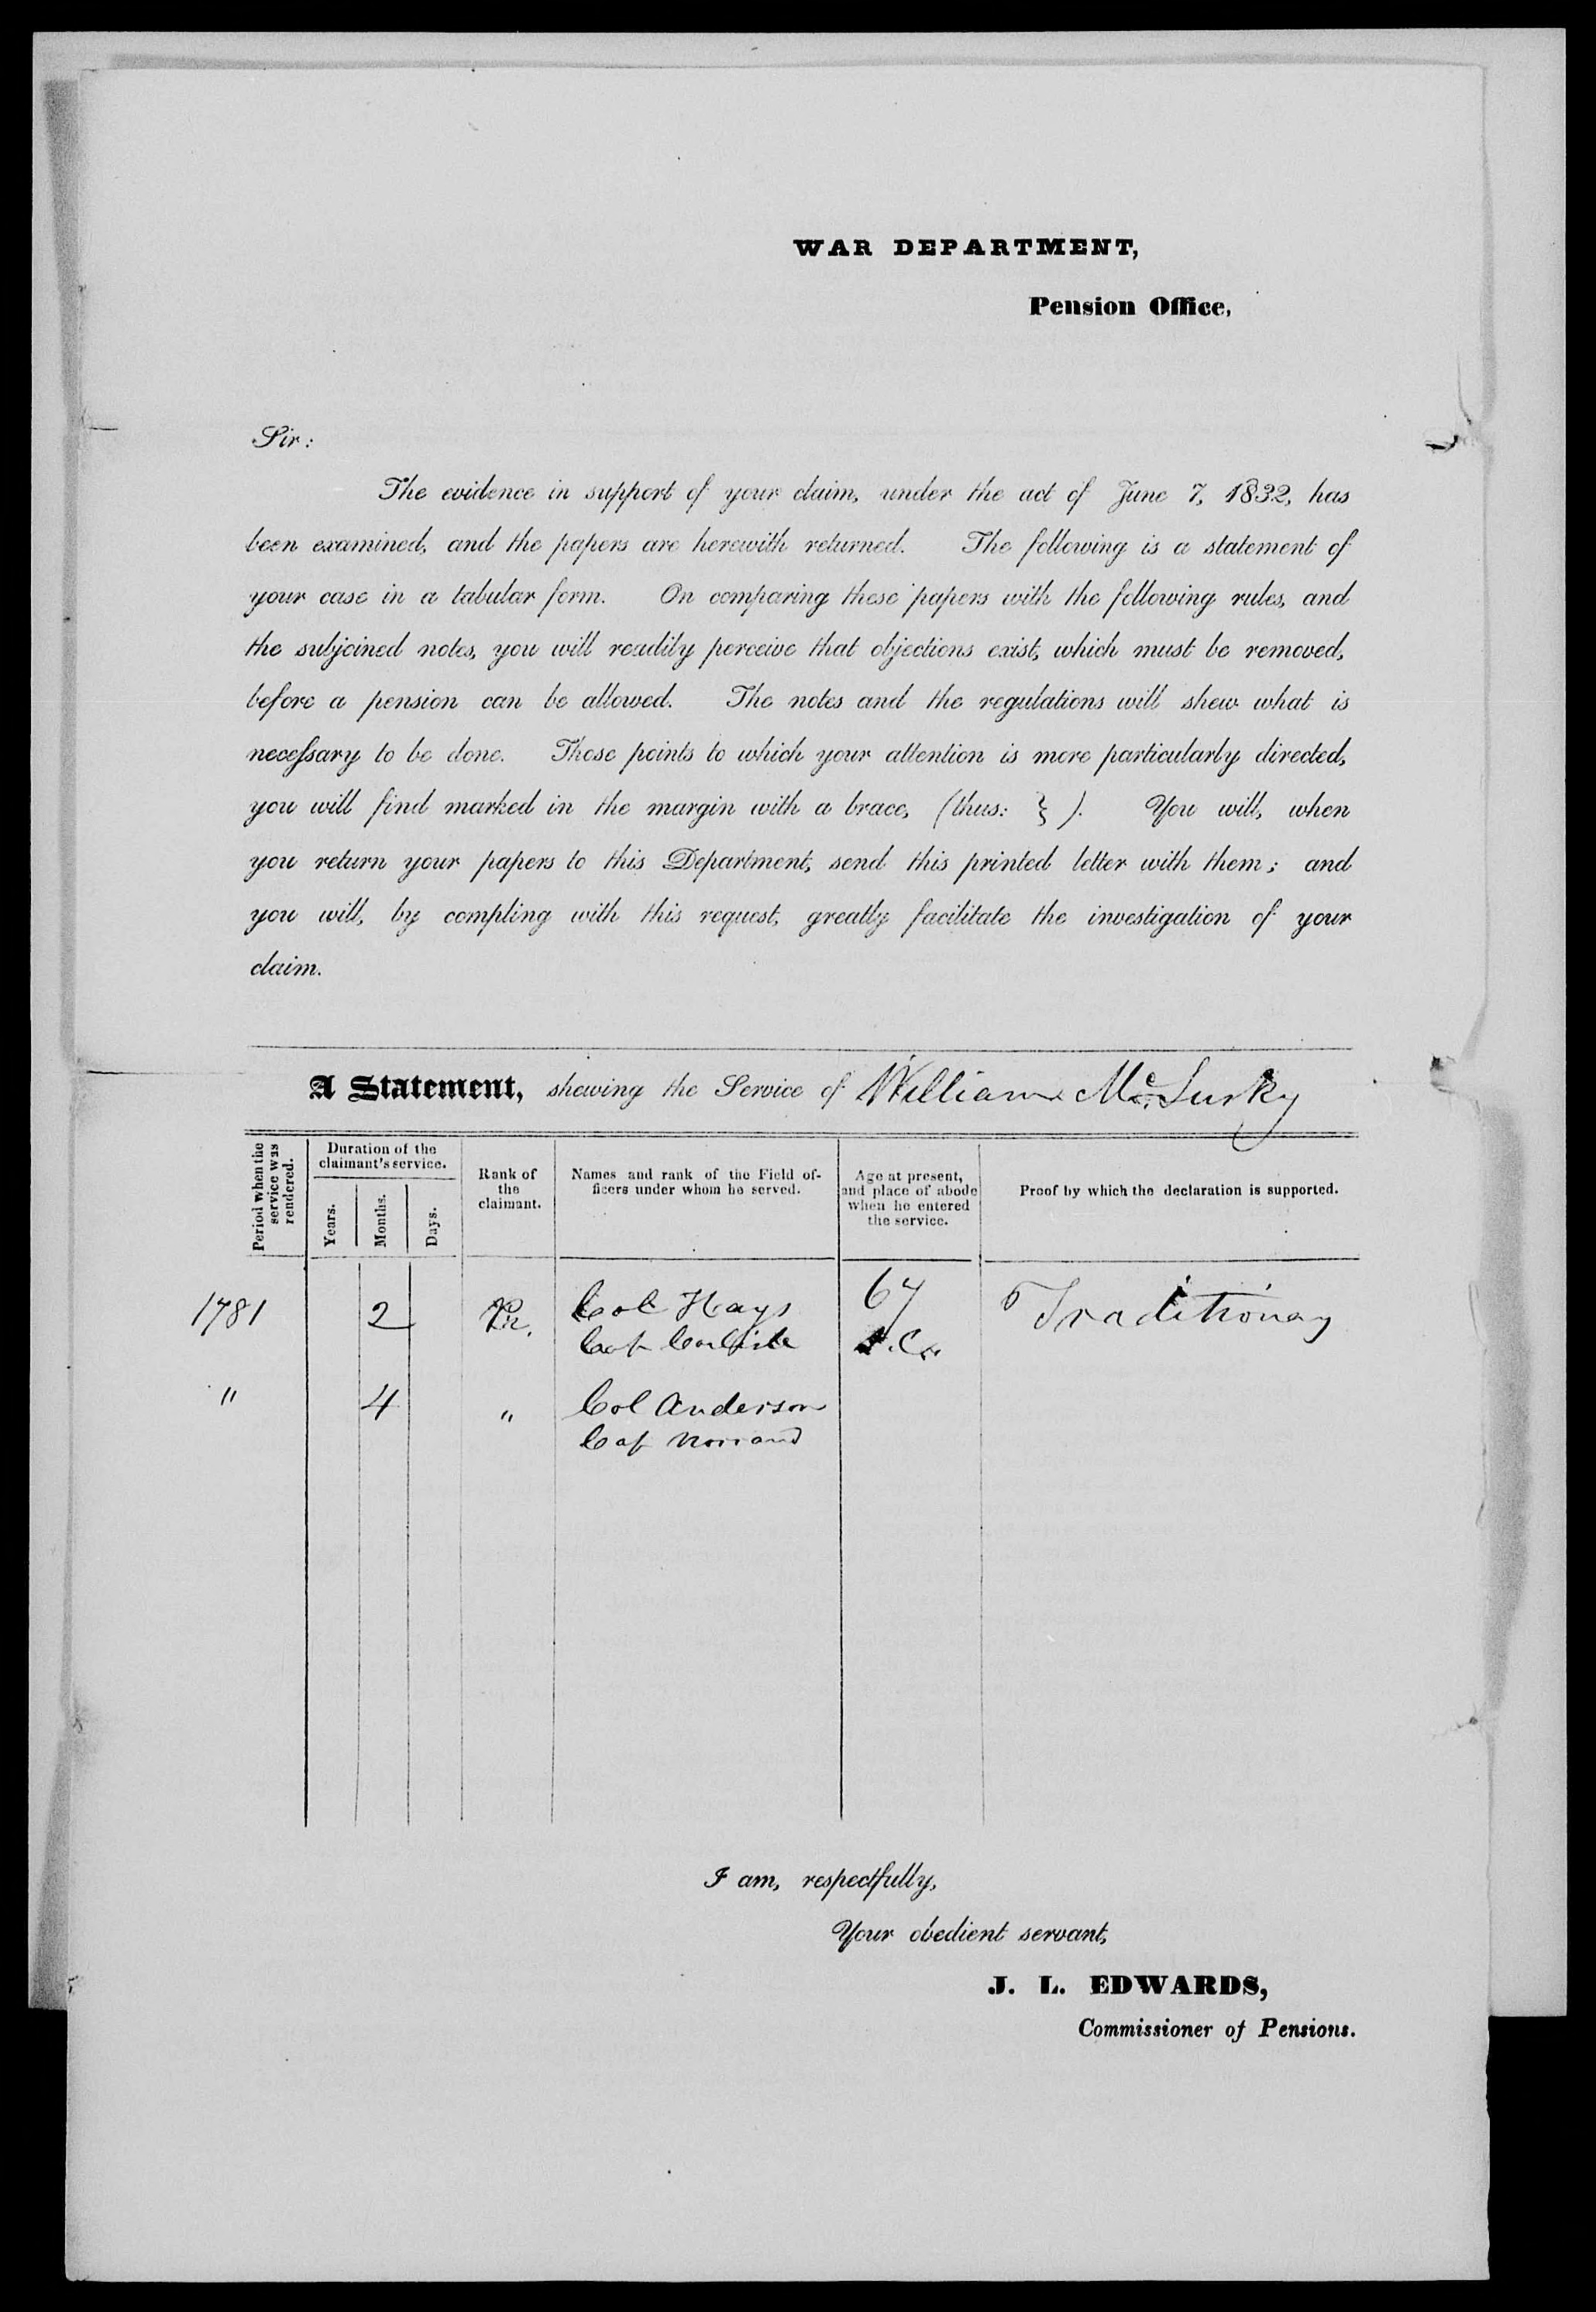WAR DEPARTMENT, 
Pension Office, 

Sir: 
The evidence in support of your claim, under the act of June 7, 1832, has been examined, and the papers are herewith returned. The following is a statement of your case in a tabular form. On comparing these papers with the following rules, and the subjoined notes, you will readily perceive that objections exist, which must be removed, before a pension can be allowed. The notes and the regulations will shew what is necessary to be done. Those points to which your attention is more particularly directed, you will find marked in the margin with a brace, (thus: }). You will, when you return your papers to this Department, send this printed letter with them; and you will, by compling with this request, greatly facilitate the investigation of your claim. 

A Statement showing the Service of William McLusky
Period when the service was rendered. 
1781
“ 
Duration of the claimant's service. 
Years

Months
2 
4. 

Days

Rank of the claimant.
Pre
“ 

Names and rank of the Field officers under whom he served 
Col Hays 
Capt Carlisle 
Col Anderson 
Cap Norrand 

Age at present, and place of abode when he entered
64
S.Car. 

Proof by which the declaration is supported. Traditionary 

I am, respectfully 
Your obedient servant 
J. L. EDWARDS, 
Commissioner of Pensions.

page: 8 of 14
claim: survivor's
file: S. 1693, for William Mc Lusky, South Carolina